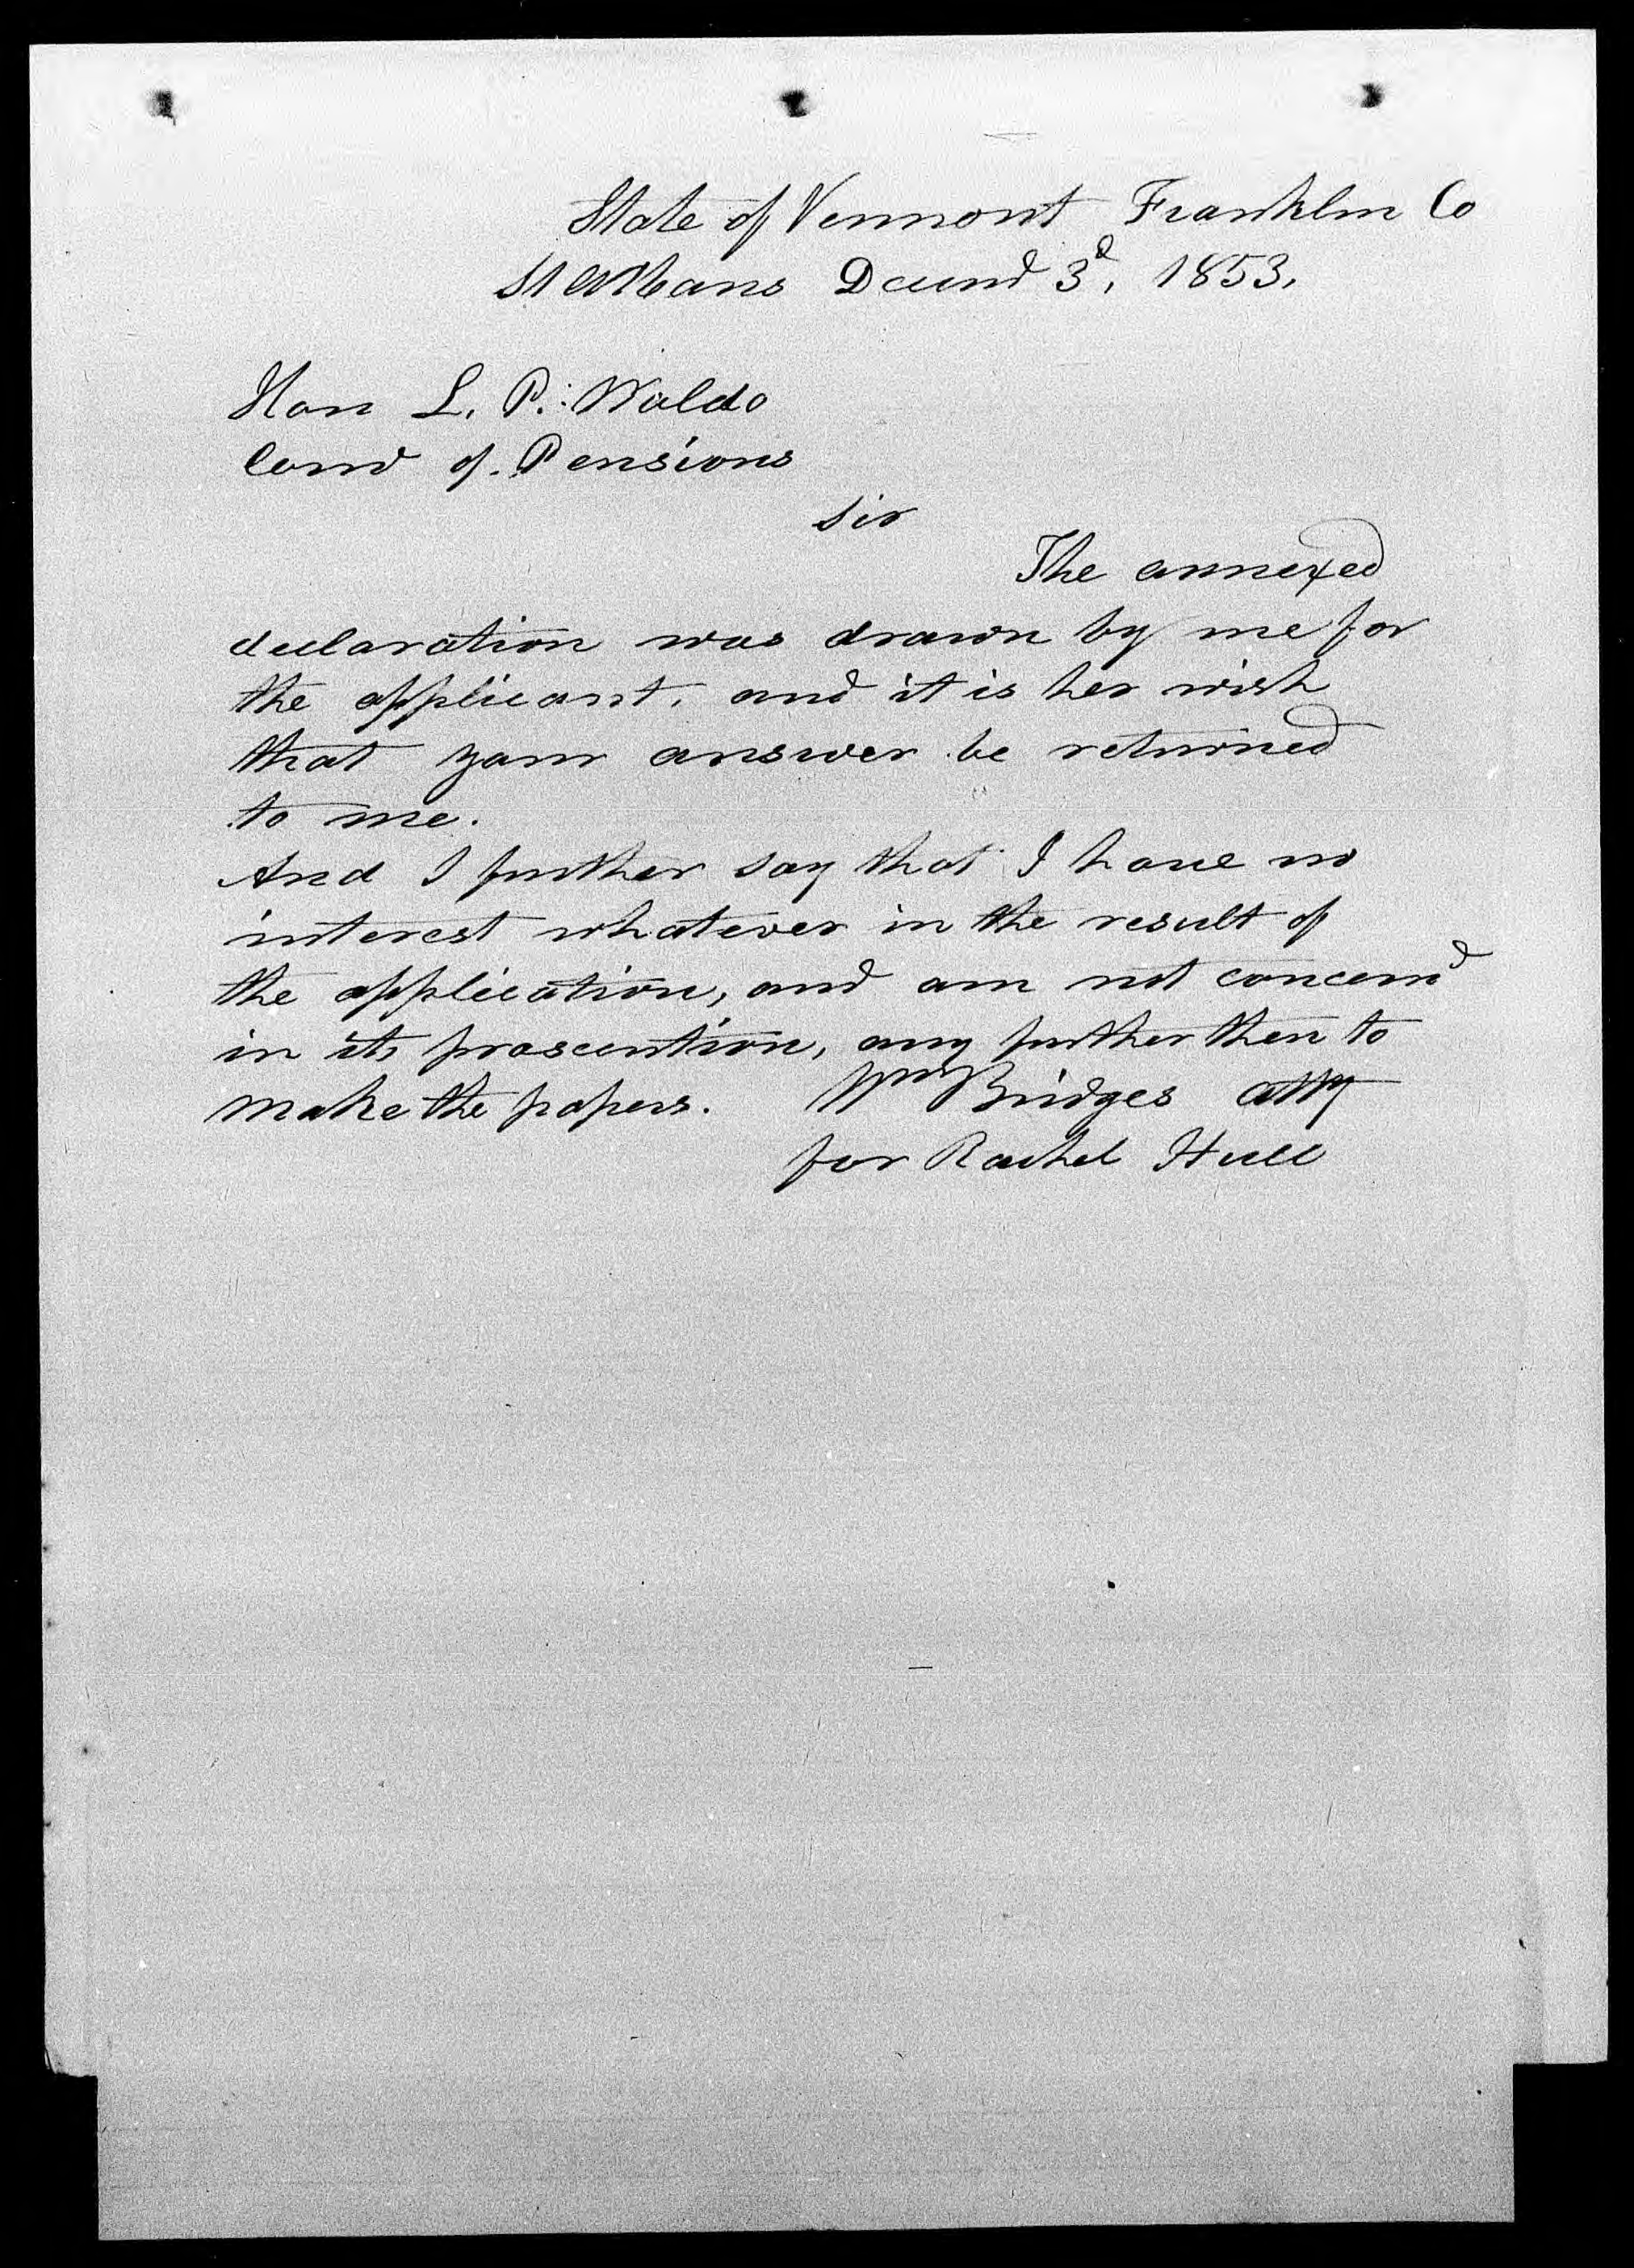State of Vermont Franklin Co, 

Sr Shans December 3, 1853
Hans L. P. Waldo
Case of Pensions

Sir

	The annexed declaration was drawn by me for the applicant, and it is her wish that zam answer be returned to me. 
And I further say that I have no interest whatever in the result of the application, and am not concerned in the prosecution, any further than to make the papers. 
Wm Bridges, Atty
for Rachel Hull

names: Wm Bridges, Rachel Hull, L P Waldo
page: 11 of 58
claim: widow's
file: W. 25813, Jehiel Hull, Conn.